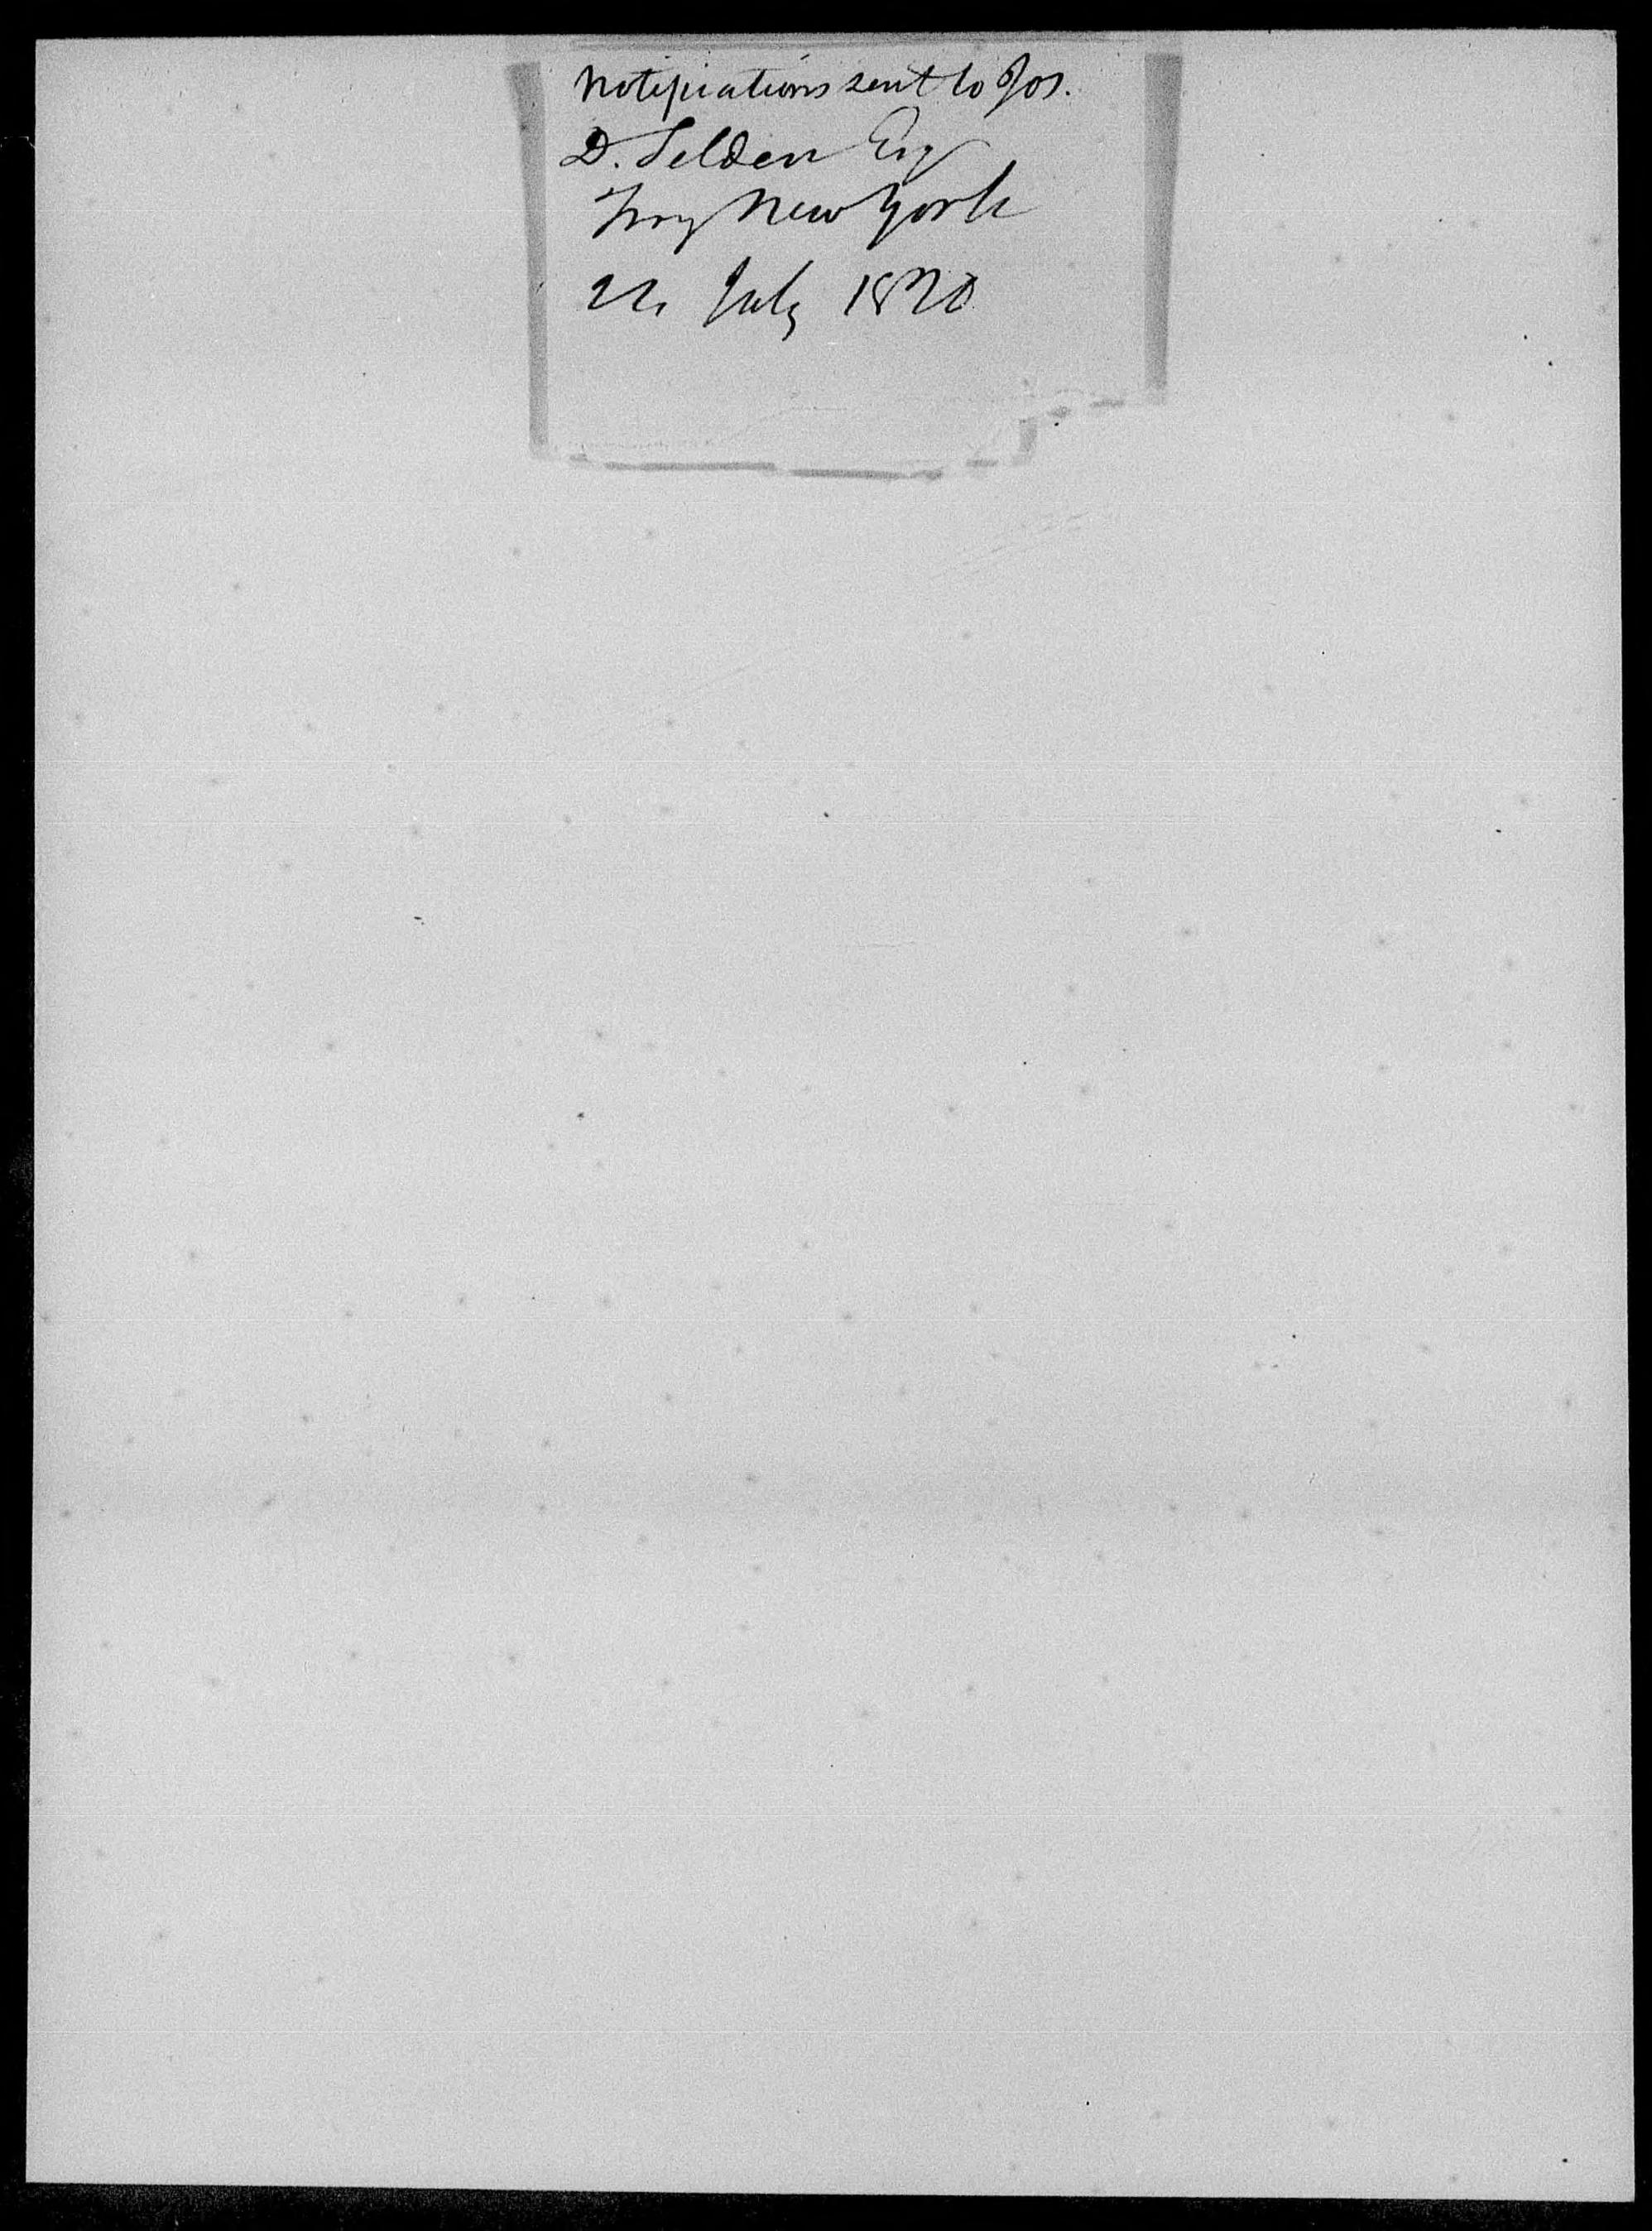Notifications sent to Jos
D. Selden Esq
Troy New York
22 July 1820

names: Jos D Selden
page: 12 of 48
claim: widow's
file: W. 10476, James Hodge, New York